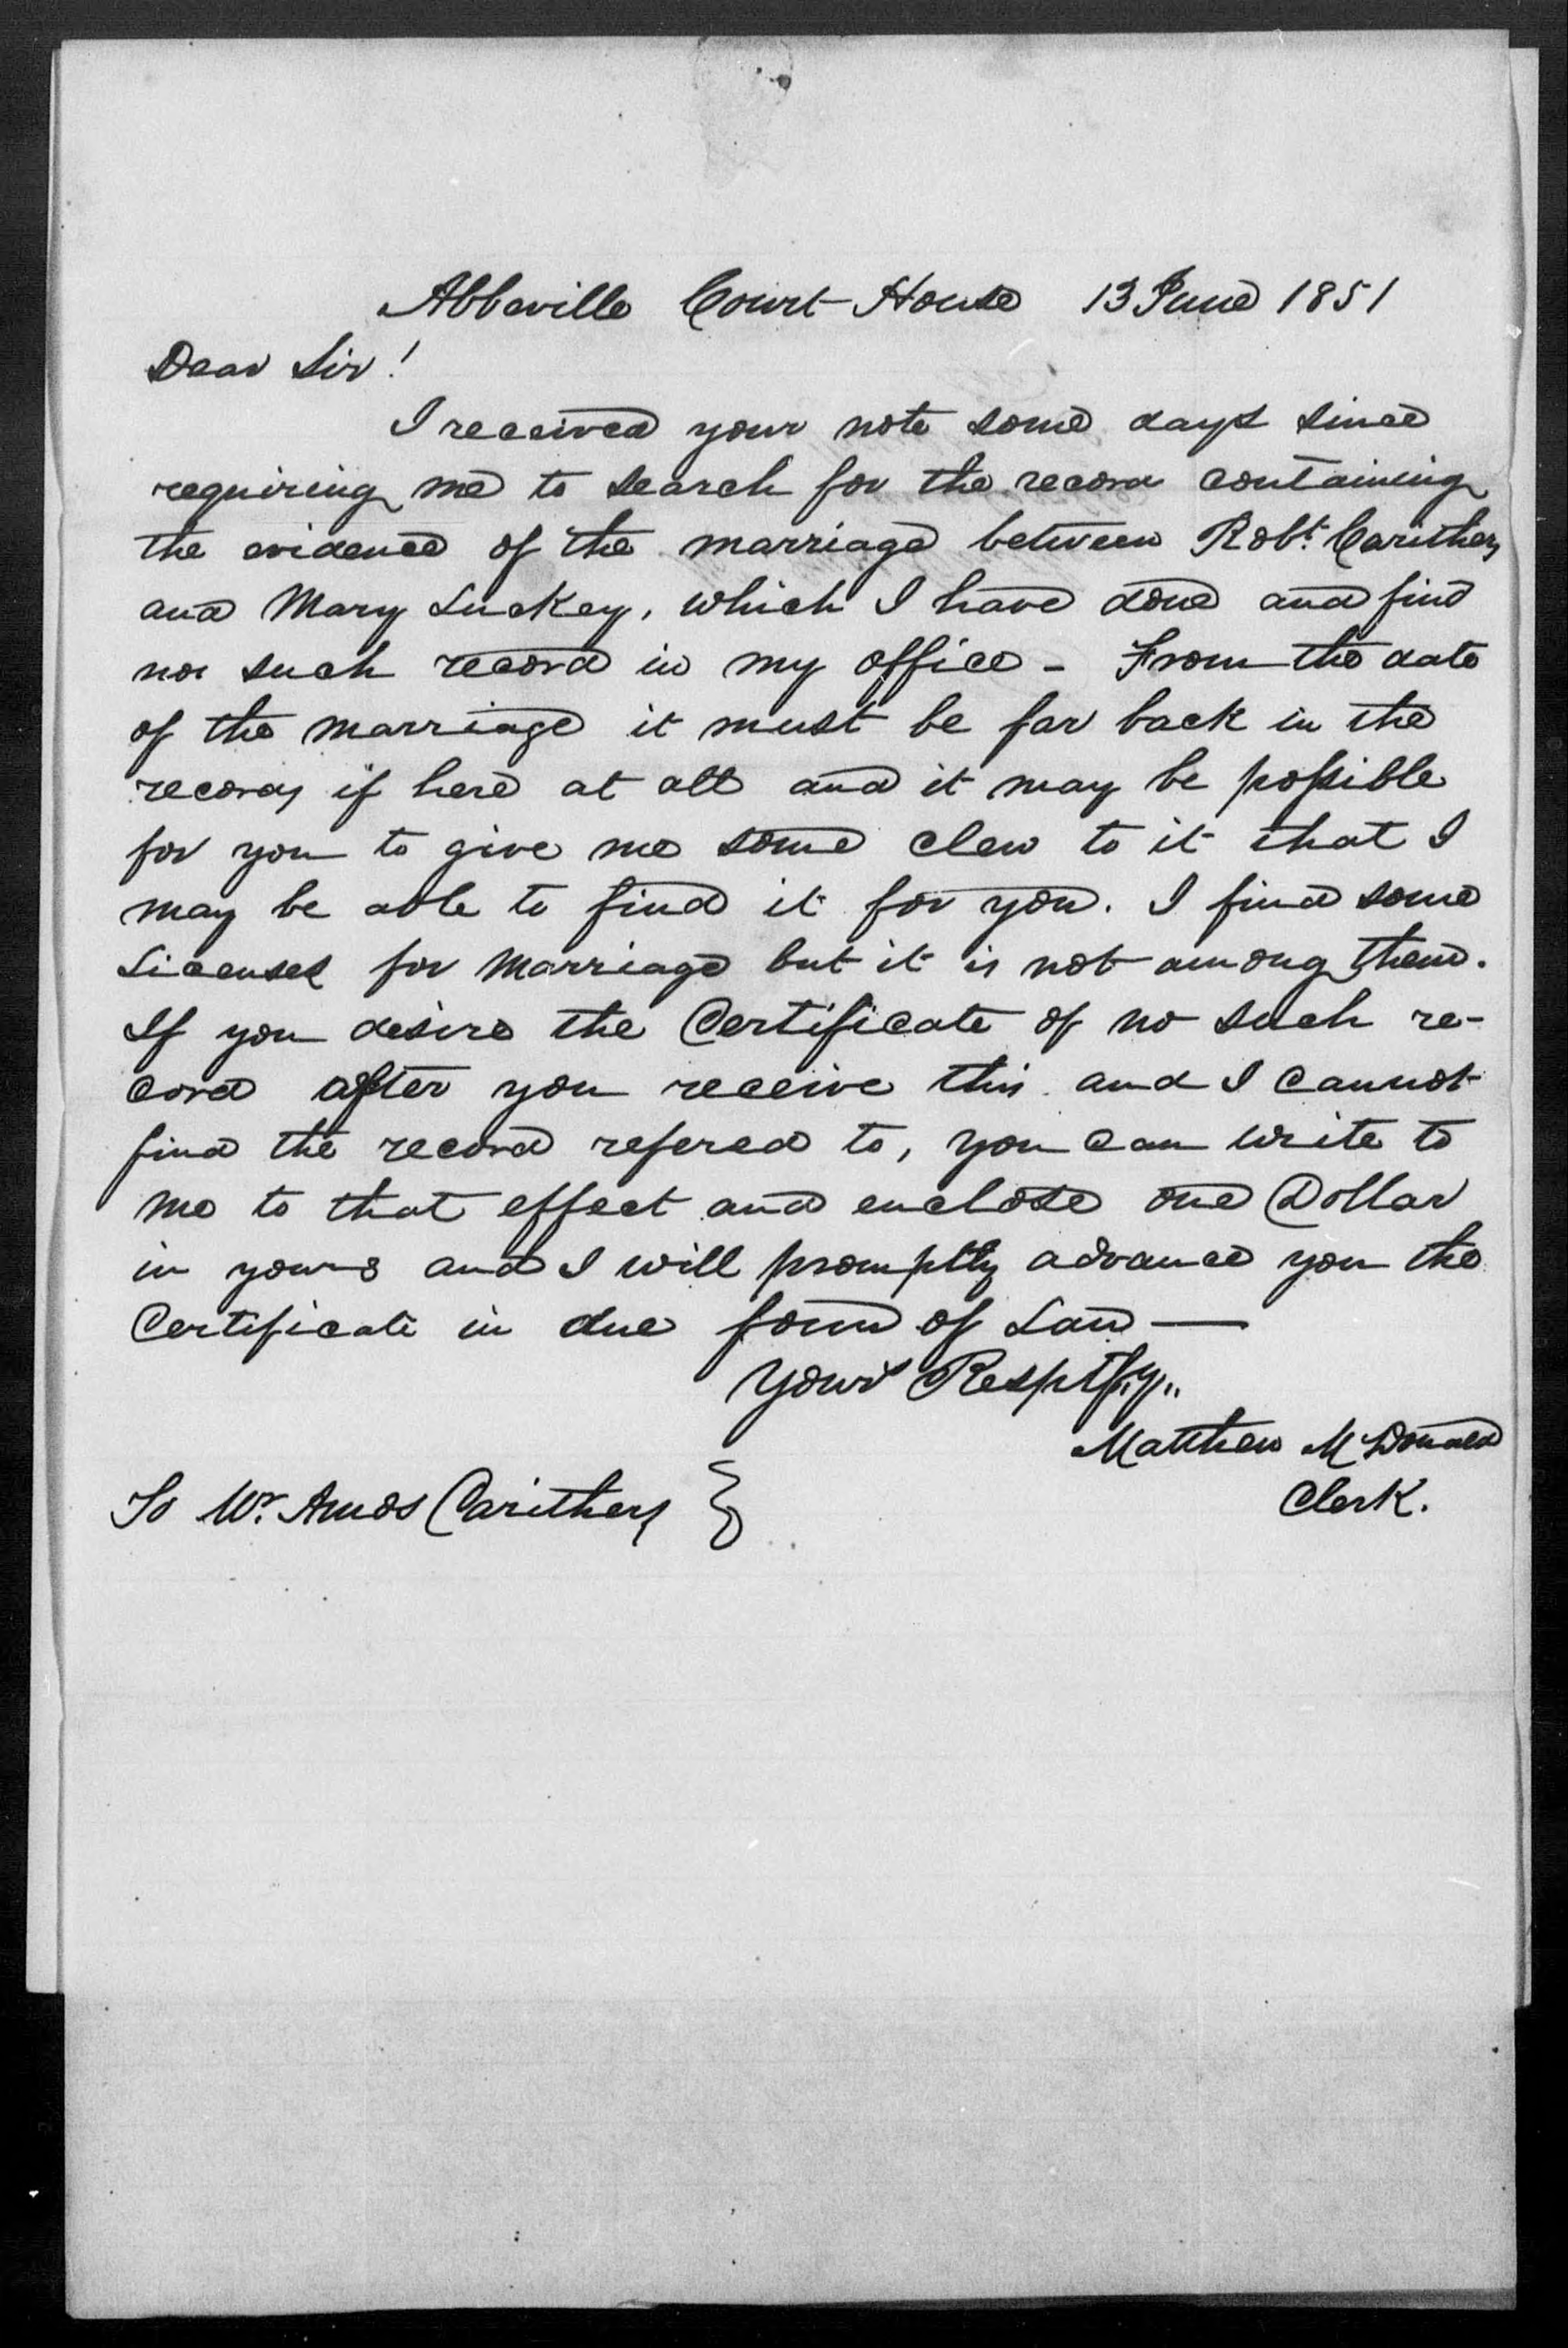Abbeville Court House 23 June 1851    Dear Sir ; I received your note some days since  requiring me to search for the record conataining the evidence of the marriage between Robt. Carithers and Mary Luckey, which I have done  and find  no such record in my office - From the date of the marriage it must be far back in the records if here at all and it may be possible for you to give me some  clue to it that I may be able to find it for you. I find some licenses for marriage  but it is not among them. If you  desire the Certificate of no such record after you receive this and I cannot find the record referred to, you can write to me to that effect and enclose one Dollar in yours and I will promptly advance you the certificate in due form of law. Yours Resptfy, Matthew McDonald ( signed ) Clerk.  To Mr. Amos Carithers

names: Robt Carithers, Matthew Mc Donald, Amos Carithers, Mary Luckey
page: 28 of 33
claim: widow's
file: W. 23779, Robert Carithers, S.C.